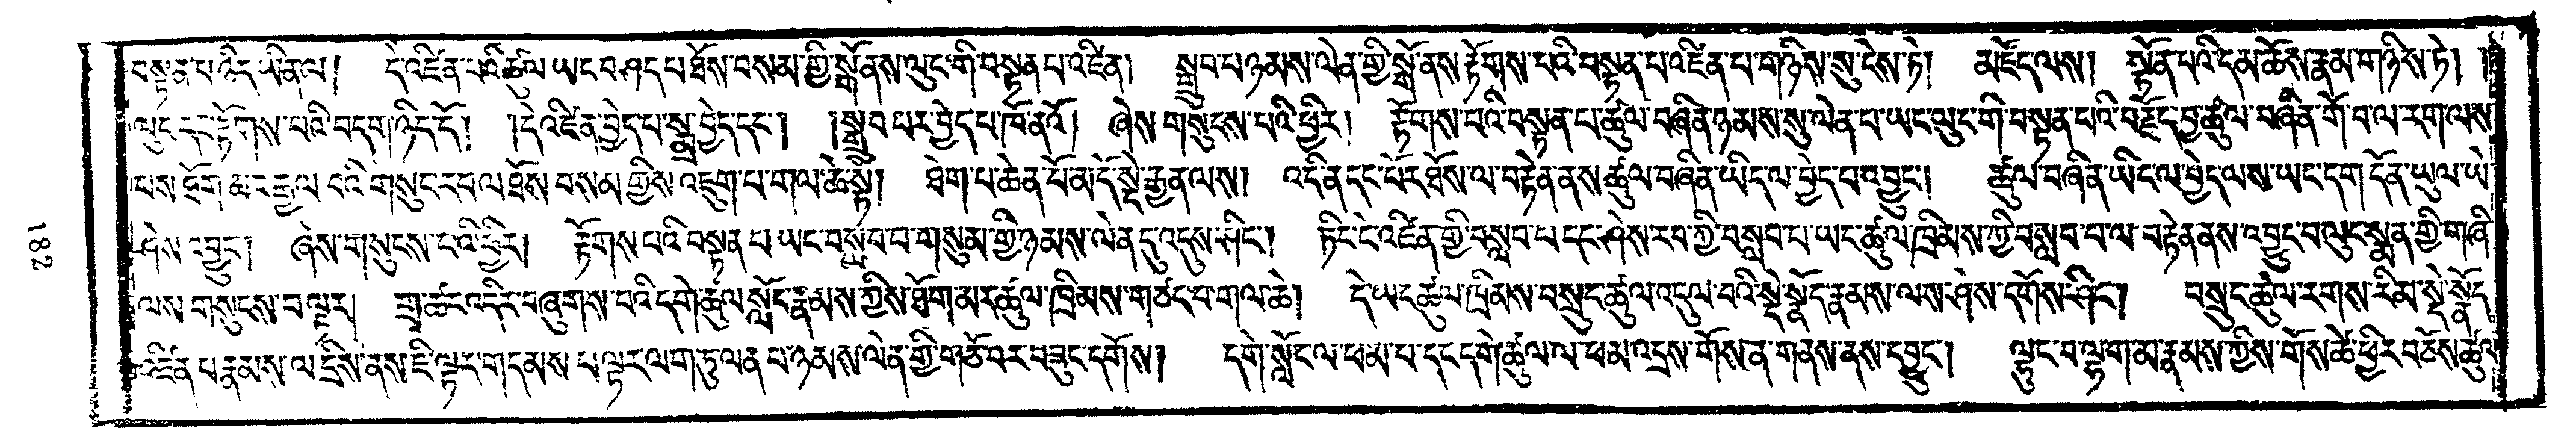བསྟན་པ་ཉིད་ཡིན་ལ། དེ་འཛིན་པའི་ཚུལ་ཡང་བཤད་པ་ཐོས་བསམ་གྱི་སྒོ་ནས་ལུང་གི་བསྟན་པ་འཛིན། སྒྲུབ་པ་ཉམས་ལེན་གྱི་སྒོ་ནས་རྟོགས་པའི་བསྟན་པ་འཛིན་པ་གཉིས་སུ་ངེས་ཏེ། མཛོད་ལས། སྟོན་པའི་དམ་ཆོས་རྣམ་གཉིས་ཏེ། །
ལུང་དང་རྟོགས་པའི་བདག་ཉིད་དོ། །དེ་འཛིན་བྱེད་པ་སྨྲ་བྱེད་དང་། །སྒྲུབ་པར་བྱེད་པ་ཁོ་ནའོ། ཞེས་གསུངས་པའི་ཕྱིར། རྟོགས་པའི་བསྟན་པ་ཚུལ་བཞིན་ཉམས་སུ་ལེན་པ་ཡང་ལུང་གི་བསྟན་པའི་བརྗོད་བྱ་ཚུལ་བཞིན་གོ་བ་ལ་རག་ལས་
པས་ཐོག་མར་རྒྱལ་བའི་གསུང་རབ་ལ་ཐོས་བསམ་གྱིས་འཇུག་པ་གལ་ཆེ་སྟེ། ཐེག་པ་ཆེན་པོ་མདོ་སྡེ་རྒྱན་ལས། འདི་ན་དང་པོར་ཐོས་ལ་བརྟེན་ནས་ཚུལ་བཞིན་ཡིད་ལ་བྱེད་པ་འབྱུང་། ཚུལ་བཞིན་ཡིད་ལ་བྱེད་ལས་ཡང་དག་དོན་ཡུལ་ཡེ་
ཤེས་འབྱུང་། ཞེས་གསུངས་པའི་ཕྱིར། རྟོགས་པའི་བསྟན་པ་ཡང་བསླབ་བ་གསུམ་གྱི་ཉམས་ལེན་དུ་འདུས་ཤིང་། ཏིང་ངེ་འཛིན་གྱི་བསླབ་པ་དང་ཤེས་རབ་ཀྱི་བསླབ་པ་ཡང་ཚུལ་ཁྲིམས་ཀྱི་བསླབ་པ་ལ་བརྟེན་ནས་འབྱུང་བ་ལུང་སྨན་གྱི་གཞི་
ལས་གསུངས་བ་ལྟར། གྲྭ་ཚང་འདིར་བཞུགས་པའི་དགེ་ཚུལ་སློང་རྣམས་ཀྱིས་ཐོག་མར་ཚུལ་ཁྲིམས་གཙང་པ་གལ་ཆེ། དེ་ཡང་ཚུལ་ཁྲིམས་བསྲུང་ཚུལ་འདུལ་བའི་སྡེ་སྣོད་རྣམས་ལས་ཤེས་དགོས་ཤིང་། བསྲུང་ཚུལ་རགས་རིམ་སྡེ་སྣོད་
འཛིན་པ་རྣམས་ལ་དྲིས་ནས་ཇི་ལྟར་གདམས་པ་ལྟར་ལག་ཏུ་ལན་པ་ཉམས་ལེན་གྱི་གཙོ་བར་བཟུང་དགོས། དགེ་སློང་ལ་ཕམ་པ་དང་དགེ་ཚུལ་ལ་ཕམ་འདྲས་གོས་ན་གནས་ནས་དབྱུང་། ལྷུང་བ་ལྷག་མ་རྣམས་ཀྱིས་གོས་ཚེ་ཕྱིར་བཅོས་ཚུལ་